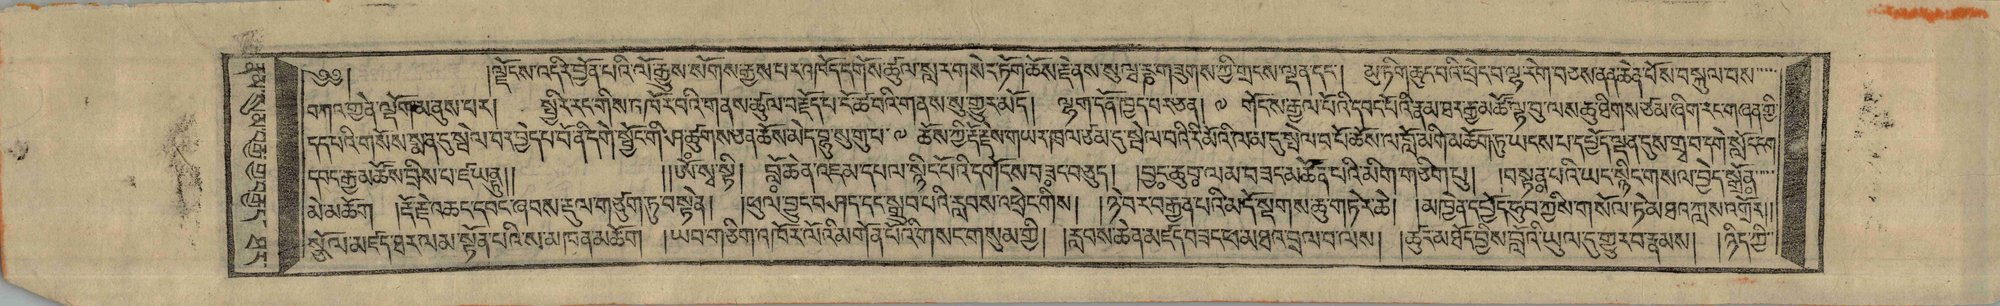༄༅། །ལྗོངས་འདིར་བྱོན་པའི་ལོ་རྒྱུས་སོགས་རྒྱས་པར་འཁོད་དགོས་ཚུལ་སླར་གསེར་ཏོག་ཆོས་རྗེ་ནས་སུ་ཝ་རྞ་གཟུགས་ཀྱི་གྲངས་ལྡན་དང་། མུ་ཏིག་ཆུང་བའི་ཕྲེང་བ་ལྷ་རེག་བཅས་ནན་ཆེན་པོས་བསྐུལ་བས་
བཀའ་གྱེན་ལྡོག་མ་ནུས་པར། སྤྱིར་རང་གིས་འཁོར་བའི་གནས་ཚུལ་བརྗོད་པ་ངོ་ཚ་བའི་གནས་སུ་གྱུར་ཡོད། ལྷག་དོན་ཁྱད་པར་ཅན། ༧་གོང་ས་རྒྱལ་པོའི་དབང་པོའི་རྣམ་ཐར་རྒྱ་མཚོ་ལྟ་བུ་ལས་ཆུ་ཐིགས་ཙམ་ཞིག་རང་གཞན་གྱི་
དད་པའི་གསོས་སྨན་དུ་སྦེལ་བར་བྱེད་པ་པོ་ནི་དགེ་སྦྱོང་གི་ཤ་ཚུགས་ཅན་ཆོས་མེད་བྷུ་སུ་གུ་པ་༧་ཆོས་ཀྱི་རྡོ་རྗེས་གཡར་ཁྲལ་ཙམ་དུ་སྦེལ་བའི་རི་མོའི་ལམ་དུ་སྤེལ་བ་པོ་ཆོས་ལ་བློ་མིག་མཆོག་ཏུ་ཡངས་པ་དཔྱོད་ལྡན་དུས་གྲྭ་བ་དགེ་སློང་ངག་
དབང་རྒྱ་མཚོས་བྲིས་པ་ཛ་ཡནྟུ།། །།ཨོཾ་སྭ་སྟི། བློ྾་ཆེན་འཇམ་དཔལ་སྙིང་པོའི་དགོངས་བཟང྾་བཅུད། །བྱང྾་ཆུབ྾་ལམ་བཟང་མཚོན་པའི་མིག་གཅིག་པུ། །བསྟན྾་པའི་ཡང་སྙིང་གསལ་བྱེད་སྒྲོན྾་
མེ་མཆོག །རྡོ་རྗེ་འཆང་དབང་ཞབས་རྡུལ་གཙུག་ཏུ་བསྟེན། །ཕུལ་བྱུང་བཤད་དང་སྒྲུབ་པའི་རླབས་འཕྲེང་གིས། །ཉེ་བར་བརྒྱན་པའི་མདོ་སྔགས་ཆུ་གཏེར་ཆེ། །མཁྱེན་དཔྱོད་ཧུབ་ཀྱིས་གསོལ་ཏེ་མཐའ་ཀླས་འགྲོར། །
སྩོལ་མཛད་ཐར་ལམ་སྟོན་པའི་ས་མཁན་མཆོག །ཡབ་གཅིག་འཁོར་ལོའི་མགོན་པོའི་གསང་གསུམ་གྱི། །རླབས་ཆེན་མཛད་བཟང་ཕ་མཐའ་བྲལ་བ་ལས། །ཚུར་མཐོང་བྱིས་བློའི་ཡུལ་དུ་གྱུར་བ་རྣམས། །ཉིད་ཀྱི་